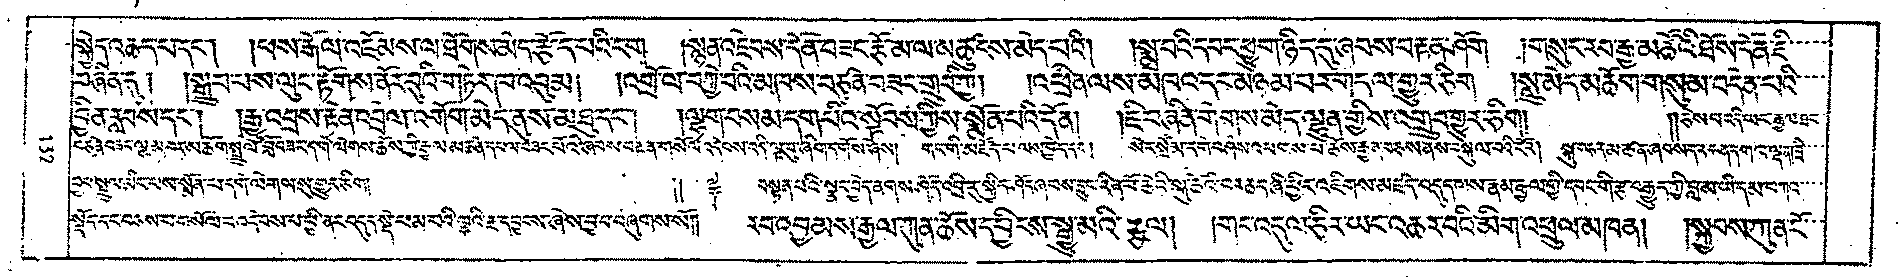སྐྱེད་འཆད་པ་དང་། །ཕས་རྒོལ་འཇོམས་ལ་ཐོགས་མེད་རྩོད་པའི་ངག །སྙན་འཇེབས་དོན་བཟང་རྩོམ་ལ་མཚུངས་མེད་པའི། །སྨྲ་བའི་དབང་ཕྱུག་ཉིད་དུ་ཞབས་བརྟན་ཤོག །གསུང་རབ་རྒྱ་མཚོའི་ཐོས་དོན་ཇི་
བཞིན་དུ། །སྒྲུབ་པས་ལུང་རྟོགས་ནོར་བུའི་གཏེར་ཁ་འབུམ། །འགྲོ་ལ་བཀྱེ་བའི་མཁས་བཙུན་བཟང་གྲུབ་ཀྱི། །འཕྲིན་ལས་མཁའ་དང་མཉམ་པར་གདལ་གྱུར་ཅིག །སླུ་མེད་མཆོག་གསུམ་བདེན་པའི་
བྱིན་རླབས་དང་། །རྒྱུ་འབྲས་རྟེན་འབྲེལ་འགོག་མེད་ནུས་མཐུ་དང་། །ལྷག་བསམ་དག་པའི་སྟོབས་ཀྱིས་སྨོན་པའི་དོན། །ཇི་བཞིན་གེགས་མེད་ལྷུན་གྱིས་འགྲུབ་གྱུར་ཅིག ། །།ཅེས་པ་འདི་ཡང་རྒྱལ་བ་
བཙན་བཟང་ལྷ་མཁར་མཆོག་སྤྲུལ་བློ་བཟང་དགེ་ལེགས་ཆོས་ཀྱི་རྒྱལ་མཚན་དཔལ་བཟང་པོའི་ཞབས་བརྟན་གསོལ་འདེབས་འདི་ལྟ་བུ་ཞིག་དགོས་ཞེས། གང་གི་མཛོད་པ་ལས་ཁྱེད་དང་། །སེར་སྤོམ་དགེ་བཤེས་འཕགས་པ་ཆོས་རྒྱན་བཅས་ནས་བསྐུལ་བའི་ངོར། །སྐུ་བཅར་མཚན་ཞབས་དར་ཧན་དགའ་ལྡན་ཁྲི་
བྱང་སྤྲུལ་མིང་པས་སྨོན་ལ་དགེ་ལེགས་སུ་གྱུར་ཅིག ། །། ༈ བསྟན་པའི་སྣང་བྱེད་ནགས་ཤོད་འབྲི་རུ་སྐྱིད་ཤོད་ཞབས་དྲུང་རིན་པོ་ཆེའི་སྐུ་ཚེའི་བར་ཆད་ཞི་ཕྱིར་འཇིགས་མཛད་བདུད་ལས་རྣམ་རྒྱལ་གྱི་དབང་གི་རྩ་བརྒྱུད་ཀྱི་བླ་མ་ཡི་དམ་བཀའ་
སྡོད་དང་བཅས་པ་གསོལ་བ་འདེབས་པ་ཕྱི་ནང་བདུད་སྡེ་ཕམ་པའི་ལྷའི་རྔ་དབྱངས་ཞེས་བྱ་བ་བཞུགས་སོ།། རབ་འབྱམས་རྒྱལ་ཀུན་ཆོས་དབྱིངས་སྒྱུ་མའི་རྩལ། །གང་འདུལ་ཅིར་ཡང་འཆར་བའི་མིག་འཕྲུལ་མཁན། །སྐྱབས་ཀུན་ངོ་